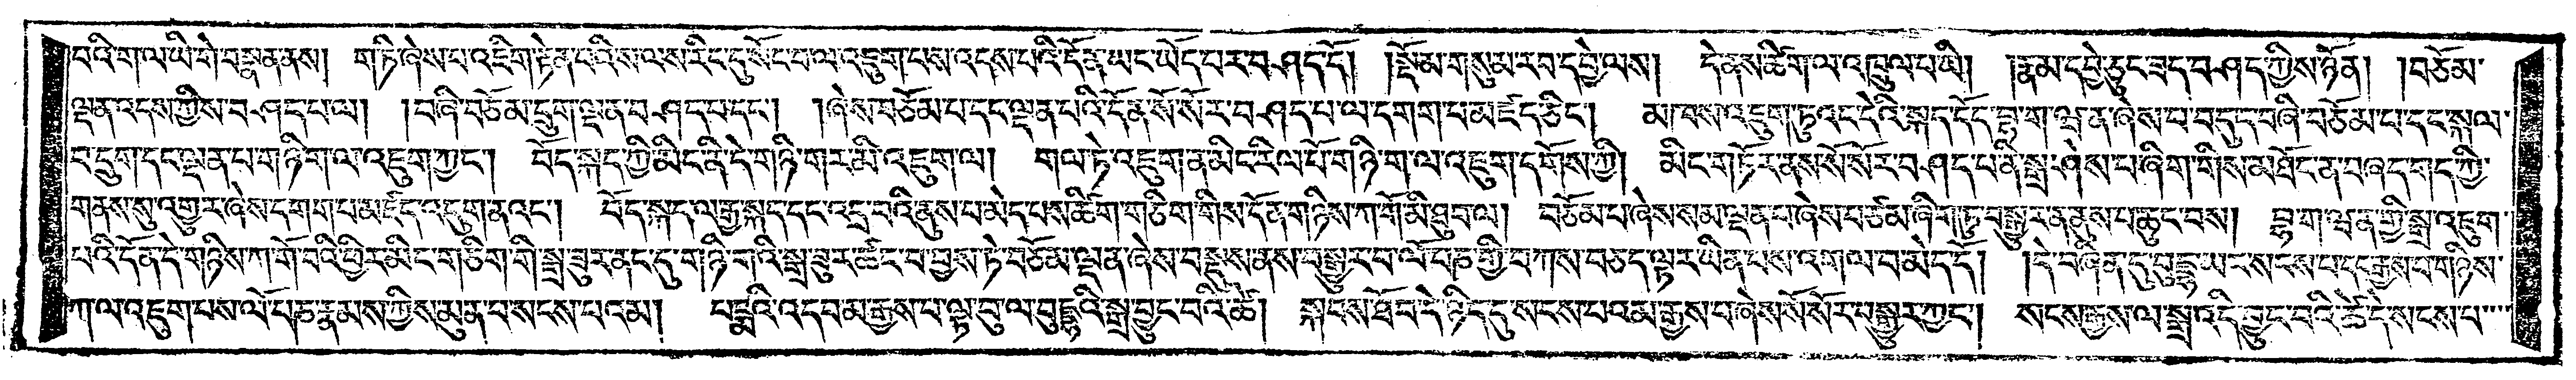བའི་གལ་ཡི་གེ་བསྣན་ནས། ག་ཏི་ཞེས་པ་འཇིག་རྟེན་པའི་ས་ལས་རིང་དུ་སོང་བ་ལ་འཇུག་པས་འདས་པའི་དོན་ཡང་ཡོད་པར་བཤད་དོ། །སྡོམ་གསུམ་རབ་དབྱེ་ལས། དེ་ནས་ཚིག་ལ་འཁྲུལ་བ་ཡི། །རྣམ་དབྱེ་ཅུང་ཟད་བཤད་ཀྱིས་ཉོན། །བཅོམ་
ལྡན་འདས་ཀྱིས་བཤད་པ་ལ། །བཞི་བཅོམ་དྲུག་ལྡན་བཤད་པ་དང་། །ཞེས་བཅོམ་པ་དང་ལྡན་པའི་དོན་སོ་སོར་བཤད་པ་ལ་དགག་པ་མཛད་ཅིང་། མཁས་འཇུག་ཏུའང་དེའི་སྐད་དོད་བྷ་ག་ཝ་ན་ཞེས་བ་བདུད་བཞི་བཅོམ་པ་དང་སྐལ་
བ་དྲུག་དང་ལྡན་པ་གཉི་ག་ལ་འཇུག་ཀྱང་། བོད་སྐད་ཀྱི་མིང་ནི་དེ་གཉི་གར་མི་འཇུག་ལ། གལ་ཏེ་འཇུག་ན་མིང་རིལ་པོ་གཉི་ག་ལ་འཇུག་དགོས་ཀྱི། མིང་གཏོར་ནས་སོ་སོར་བཤད་པ་ནི་སྒྲ་ཤེས་པ་ཞིག་གིས་མཐོང་ན་བཞད་གད་ཀྱི་
གནས་སུ་འགྱུར་ཞེས་དགག་པ་མཛད་འདུག་ནའང་། བོད་སྐད་ལ་རྒྱ་སྐད་དང་འདྲ་བའི་ནུས་པ་མེད་པས་ཚེག་གཅིག་གིས་དོན་གཉིས་ཀ་གོ་མི་ཐུབ་ལ། བཅོམ་པ་ཞེས་སམ་ལྡན་པ་ཞེས་པ་ཙམ་ཞིག་ཏུ་བསྒྱུར་ན་ནུས་པ་ཆུང་བས། བྷ་ག་ཝ་ན་གྱི་སྒྲ་འཇུག་
པའི་དོན་དེ་གཉིས་ཀ་གོ་བའི་ཕྱིར་མིང་གཅིག་གི་སྒྲ་ཟུར་ནང་དུ་གཉི་གའི་སྒྲ་ཟུར་ཚང་བ་བྱས་ཏེ་བཅོམ་ལྡན་ཞེས་བསྡུས་ནས་བསྒྱུར་བ་ལོ་བཎ་གྱི་བཀས་བཅད་ལྟར་ཡིན་པས་འགལ་བ་མེད་དོ། །དེ་བཞིན་དུ་བུདྡྷ་ཡང་སངས་པ་དང་རྒྱས་གཉིས་
ཀ་ལ་འཇུག་པས་ལོ་པཎ་རྣམས་ཀྱིས་མུན་པ་སངས་པའམ། པདམའི་འདབ་མ་རྒྱས་པ་ལྟ་བུ་ལ་བུདྡྷའི་སྒྲ་བྱུང་བའི་ཚེ། སྐབས་ཐོབ་དེ་ཉིད་དུ་སངས་པའམ་རྒྱས་པ་ཞེས་སོ་སོར་བསྒྱུར་ཀྱང་། སངས་རྒྱས་ལ་སྒྲ་འདི་བྱུང་བའི་ཚེ་དེ་སངས་པ་